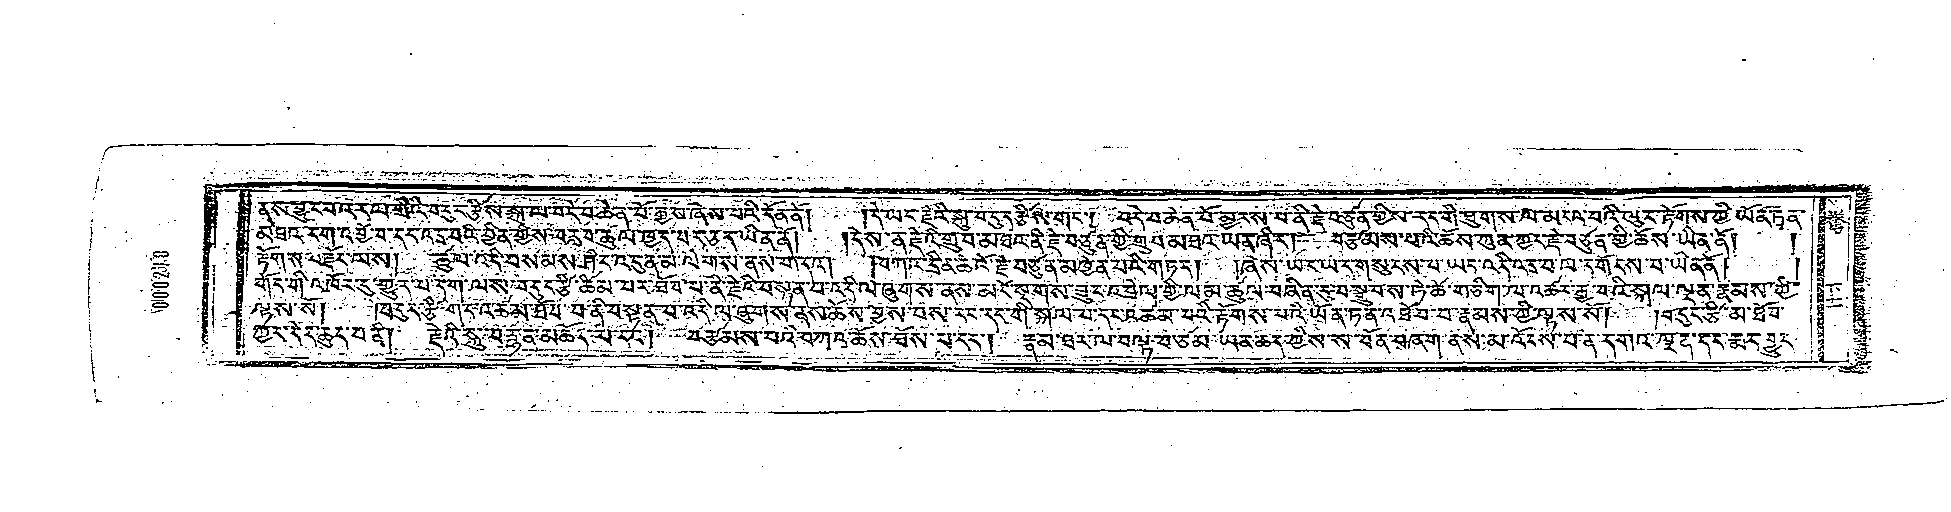ནས་བྱུང་བའི་རལ་གྲིའི་བདུད་རྩིས་སྐུ་ལ་བདེ་བ་ཆེན་པོ་རྒྱས་ཞེས་པའི་དོན་ནོ། །དེ་ཡང་རྗེའི་སྐུ་བདུད་རྩིས་གང་། བདེ་བ་ཆེན་པོ་མྱངས་པ་ནི་རྗེ་བཙུན་གྱིས་རང་གི་ཐུགས་ལ་མངའ་བའི་ལུང་རྟོགས་ཀྱི་ཡོན་ཏན་
མཐའ་དག་འབྱོ་བ་དང་འདྲ་བའི་བྱིན་གྱིས་བརླབ་ཚུལ་ཁྱད་བར་ཅད་ཡིན་ནོ། །དེས་ན་རྗེའི་གྲུབ་མཐའ་ནི་རྗེ་བཙུན་གྱི་གྲུབ་མཐའ་ཡན་ཞིང་། བརྩམས་པའི་ཆོས་ཀུན་ཀྱང་རྗེ་བཙུན་གྱི་ཆོས་ཡིན་ནོ། །
རྟོགས་བརྗོད་ལས། ཚུལ་འདི་བསམས་ཤིང་འདུན་མ་ལེགས་ནས་གདའ། །བཀའ་དྲིན་ཆེའོ་རྗེ་བཙུན་མཁྱེན་པའི་གཏད། །ཞེས་ཡང་ཡང་གསུངས་པ་ཡང་འདི་འདྲ་བ་ལ་དགོངས་བ་ཡིན་ནོ། །
གྱི་གཙོ་བོ་བྱམས་པའི་སྐུ་ནི་མ་?
དུད་རྩི་ཚིམ་པར་ཐོབ་བ་ནི་རྗེའི་བསྟན་བ་འདི་ལ་ཞུགས་ནས་མདོ་སྔགས་ཟུང་འབྲེལ་གྱི་ལམ་ཚུལ་བཞིན་དུ་བསྒྲུབས་ཏེ་ཚེ་གཅིག་ལ་འཚང་རྒྱ་བའི་སྐལ་ལྡན་རྣམས་ཀྱི་
ལྟས་སོ། །བདུད་རྩི་གད་འཚམ་ཐོབ་བ་ནི་བསྟན་པ་འདི་ལ་ཞུགས་ནས་ཆོས་བྱས་བས་དང་དང་གི་སྐལ་པ་དང་འཚམ་བའི་རྟོགས་བའི་ཡོན་ཏན་འཐོབ་བ་རྣམས་ཀྱི་ལྟས་སོ། །བདུད་རྩི་མ་ཐོབ་
ཀྱང་དེར་ཆུད་བ་ནི། རྗེའི་སྐུ་བརྙན་མཆོད་པ་དང་། བརྩམས་པའི་བཀའ་ཆོས་ཐོས་བ་དང་། རྣམ་ཐར་ལ་བལྟ་བ་ཙམ་ཡན་ཆད་ཀྱིས་ས་བོན་བཞག་ནས་མ་འོངས་བ་ན་དགའ་ལྡན་དང་རྨད་བྱུང་